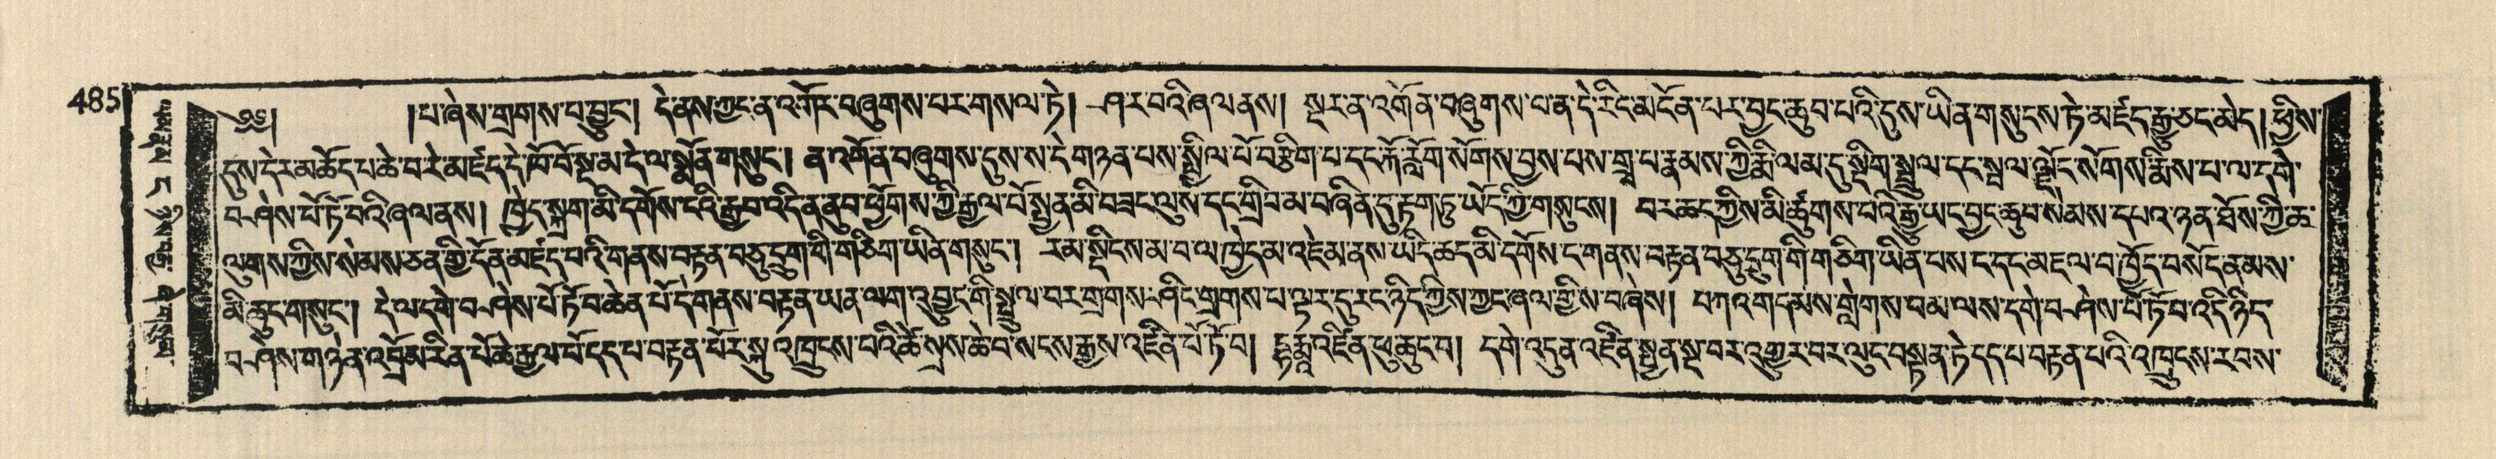༄༅། །པ་ཞེས་གྲགས་པ་བྱུང་། དེ་ནས་ཀྱང་ན་འགོར་བཞུགས་པར་གསལ་ཏེ། ཤར་བའི་ཞལ་ནས། སྔར་ན་འགོན་བཞུགས་པ་ན་དེ་རིང་མངོན་པར་བྱང་ཆུབ་པའི་དུས་ཡིན་གསུངས་ཏེ་མཛད་རྒྱུ་ཅང་མེད། ཕྱིས་
དུས་དེར་མཆོད་པ་ཆེ་བ་རེ་མཛད་དེ་ཁོ་བོ་སྔ་མ་དེ་ལ་སྨོན་གསུང་། ན་འོག་ན་བཞུགས་དུས་ས་དེ་གཉན་པས་སྤྱི་ལ་པོ་བརྩིགས་པ་དང་རྐོ་རློག་སོགས་བྱས་པས་གྲྭ་པ་རྣམས་ཀྱི་རྨི་ལམ་དུ་སྡིག་སྤྲུལ་དང་སྤལ་ལྗོང་སོགས་རྨིས་པ་ལ་དགེ་
བཤེས་པོ་ཏོ་བའི་ཞལ་ནས། ཁྱེད་སྐྲག་མི་དགོས་ངའི་རྒྱབ་འདི་ན་ནུབ་ཕྱོགས་ཀྱི་རྒྱལ་བོ་སྤྱན་མི་བཟང་ལུས་དང་གྲིབ་མ་བཞིན་དུ་རྟག་ཏུ་ཡོད་ཀྱི་གསུངས། བར་ཆད་ཀྱིས་མི་ཚུགས་པའི་རྒྱུ་ཡང་བྱང་ཆུབ་སེམས་དཔའ་ཉན་ཐོས་ཀྱི་ཆ་
ལུགས་ཀྱིས་སེམས་ཅན་གྱི་དོན་མཛད་པའི་གནས་བརྟན་བཅུ་དྲུག་གི་གཅིག་ཡིན་གསུང་། རམ་སྡིངས་མ་བ་ལ་ཁྱེད་མ་འཇེམ་ནས་ཡིད་ཆད་མི་དགོས་ང་གནས་བརྟན་བཅུ་དྲུག་གི་གཅིག་ཡིན་པས་ང་དང་མཇལ་བ་ཁྱོད་བསོད་ནམས་
མི་ཆུང་གསུང་། དེ་ལ་དགེ་བཤེས་པོ་ཏོ་བ་ཆེན་པོ་དེ་གནས་བརྟན་ཡན་ལག་འབྱུང་གི་སྤྲུལ་བར་གྲགས་ཤིང་གྲགས་པ་ལྟར་དུ་རང་ཉིད་ཀྱིས་ཀྱང་ཞལ་གྱིས་བཞེས། བཀའ་གདམས་གླེགས་བམ་ལས་དགེ་བཤེས་པོ་ཏོ་བ་འདི་ཉིད་
བཤེས་གཉེན་འབྲོམ་རིན་པོ་ཆེ་རྒྱལ་པོ་དད་པ་བརྟན་པོར་སྐུ་འཁྲུངས་བའི་ཚེ་སྲས་ཆེ་བ་སངས་རྒྱས་འཛིན་པོ་ཏོ་བ། དྷརྨཱ་འཛིན་ཕུ་ཆུང་བ། དགེ་འདུན་འཛིན་སྤྱན་སྔ་བར་འགྱུར་བར་ལུང་བསྟན་ཏེ་དད་པ་བརྟན་པའི་འཁྲུངས་རབས་